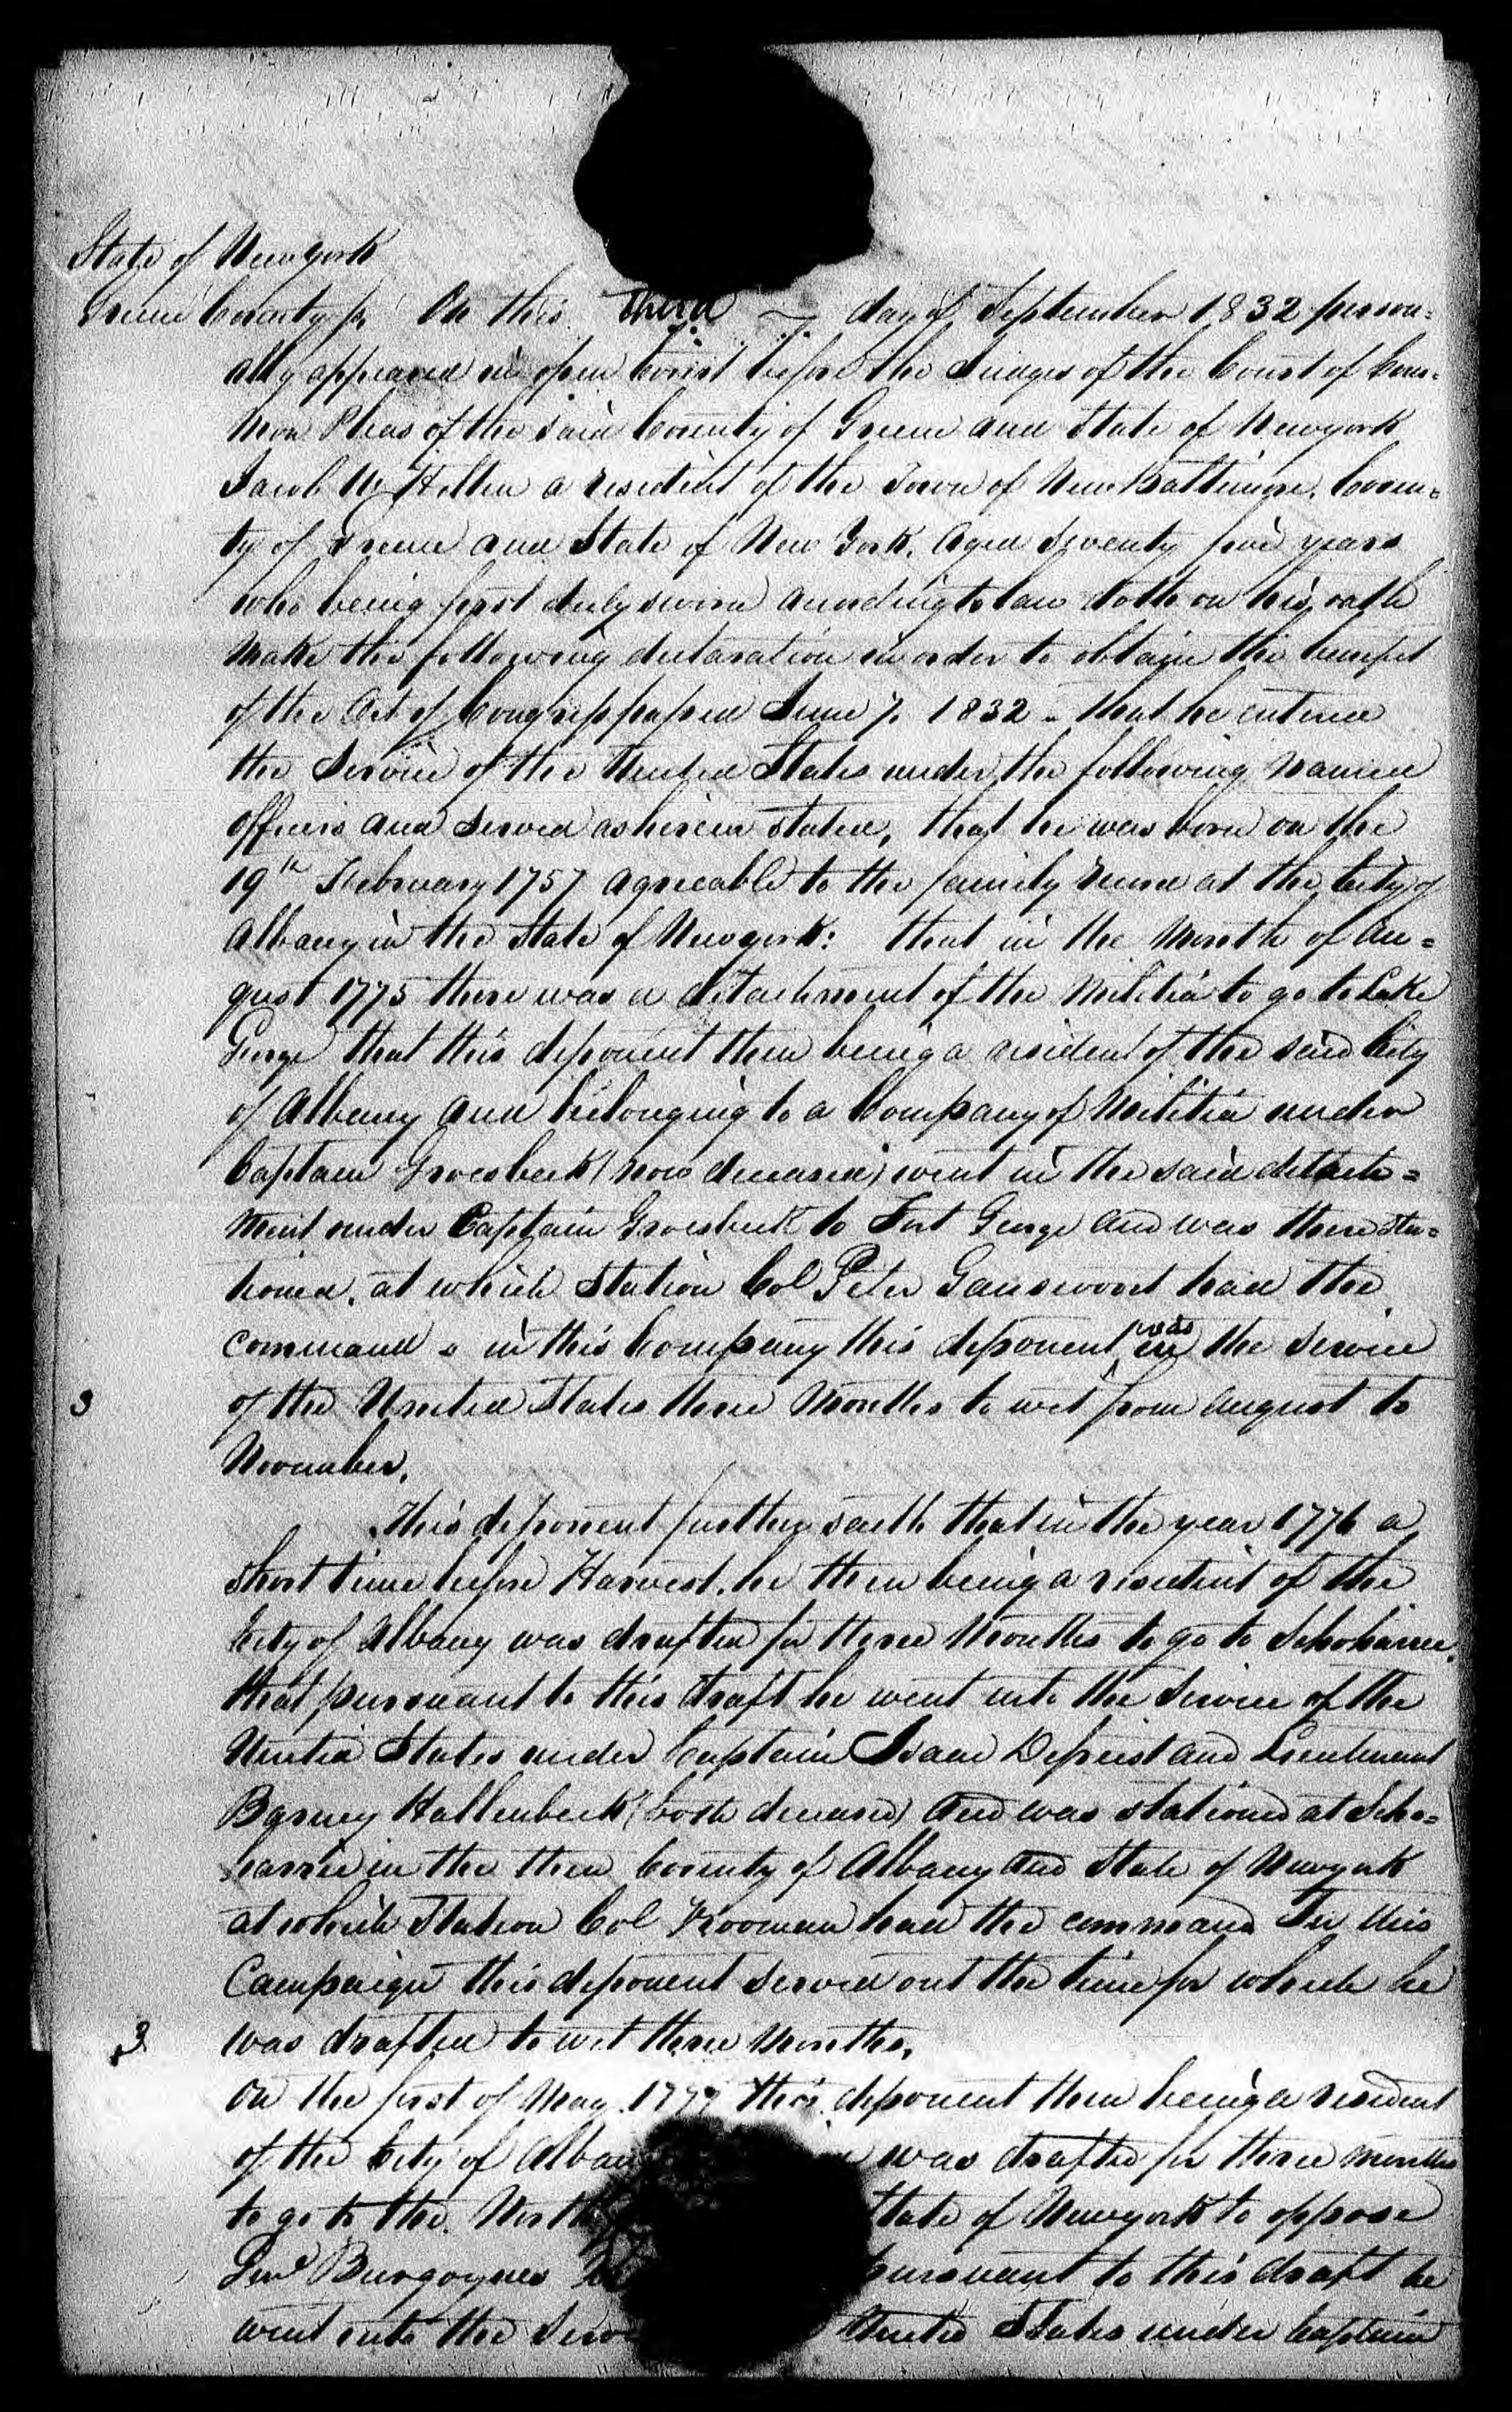State of New York
Greene County On this third day of September 1832 personally appeared in open ---
before the Judges of the Court of
Common Pleas of the said County of Greene and State of Newyork
Jacob W Hilten a resident of the town of New Baltimore, County of Greene and State of New York, Aged Seventy five years who being first duly served according to law doth on his oath make the following declaration in order to obtain the benefit of the Act of Bounty
(illegible) in June 7 1832- that he entered the Service of the United States under the following named officers and served as herein stated, that he was born on the 19th February 1757 agreeable to the family record at the City of Albany in the state of New york: that in the Month of August 1775 there was a detachment of the Militia to go to Lake George that this deponent then being a resident of the said City of Albany and belonging to a Company of Militia under Captain Groesbeck (now deceased)  went on the said detachment under Captain Groesbeck to Lake George and was 
there Stationed, at which Station Col. Peter Gansevoort had the command in this Company this deponent was in the Service of the United States three months to wit from August to November.

This deponent further saith that in the year of 1776 a short time before Harvest, he then being a resident of the City of Albany was drafted for three months to go to Schoharie
that pursuant to this draft he went into the Service of the United States under Captain Isaac Defreist and Lieutenant Barney Hallenbeck (both deceased) and was stationed at Scho=harie in the then County of Albany and the State of Newyork at which Station Col Kooman had the command. In this Campaign this deponent served out the time for which he was drafted to wit three months.
On the first of May 1777 this deponent then being a resident of the City of Albany- was drafted for three months to go to the M---[stain] State of New York to oppose Gen, Burgoyne [stain] ---pursuant to this draft he went into the Service (of the) United States under Captain John Price and Lieutenant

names: Groesbeck, Kooman, Peter Gansevoort, Groesbeck, Jacob W Hilton, Burgoyne, Barney Hallenbeck, Isaac Defreist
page: 3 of 48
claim: widow's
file: W. 19788, Jacob W Hilton, New York